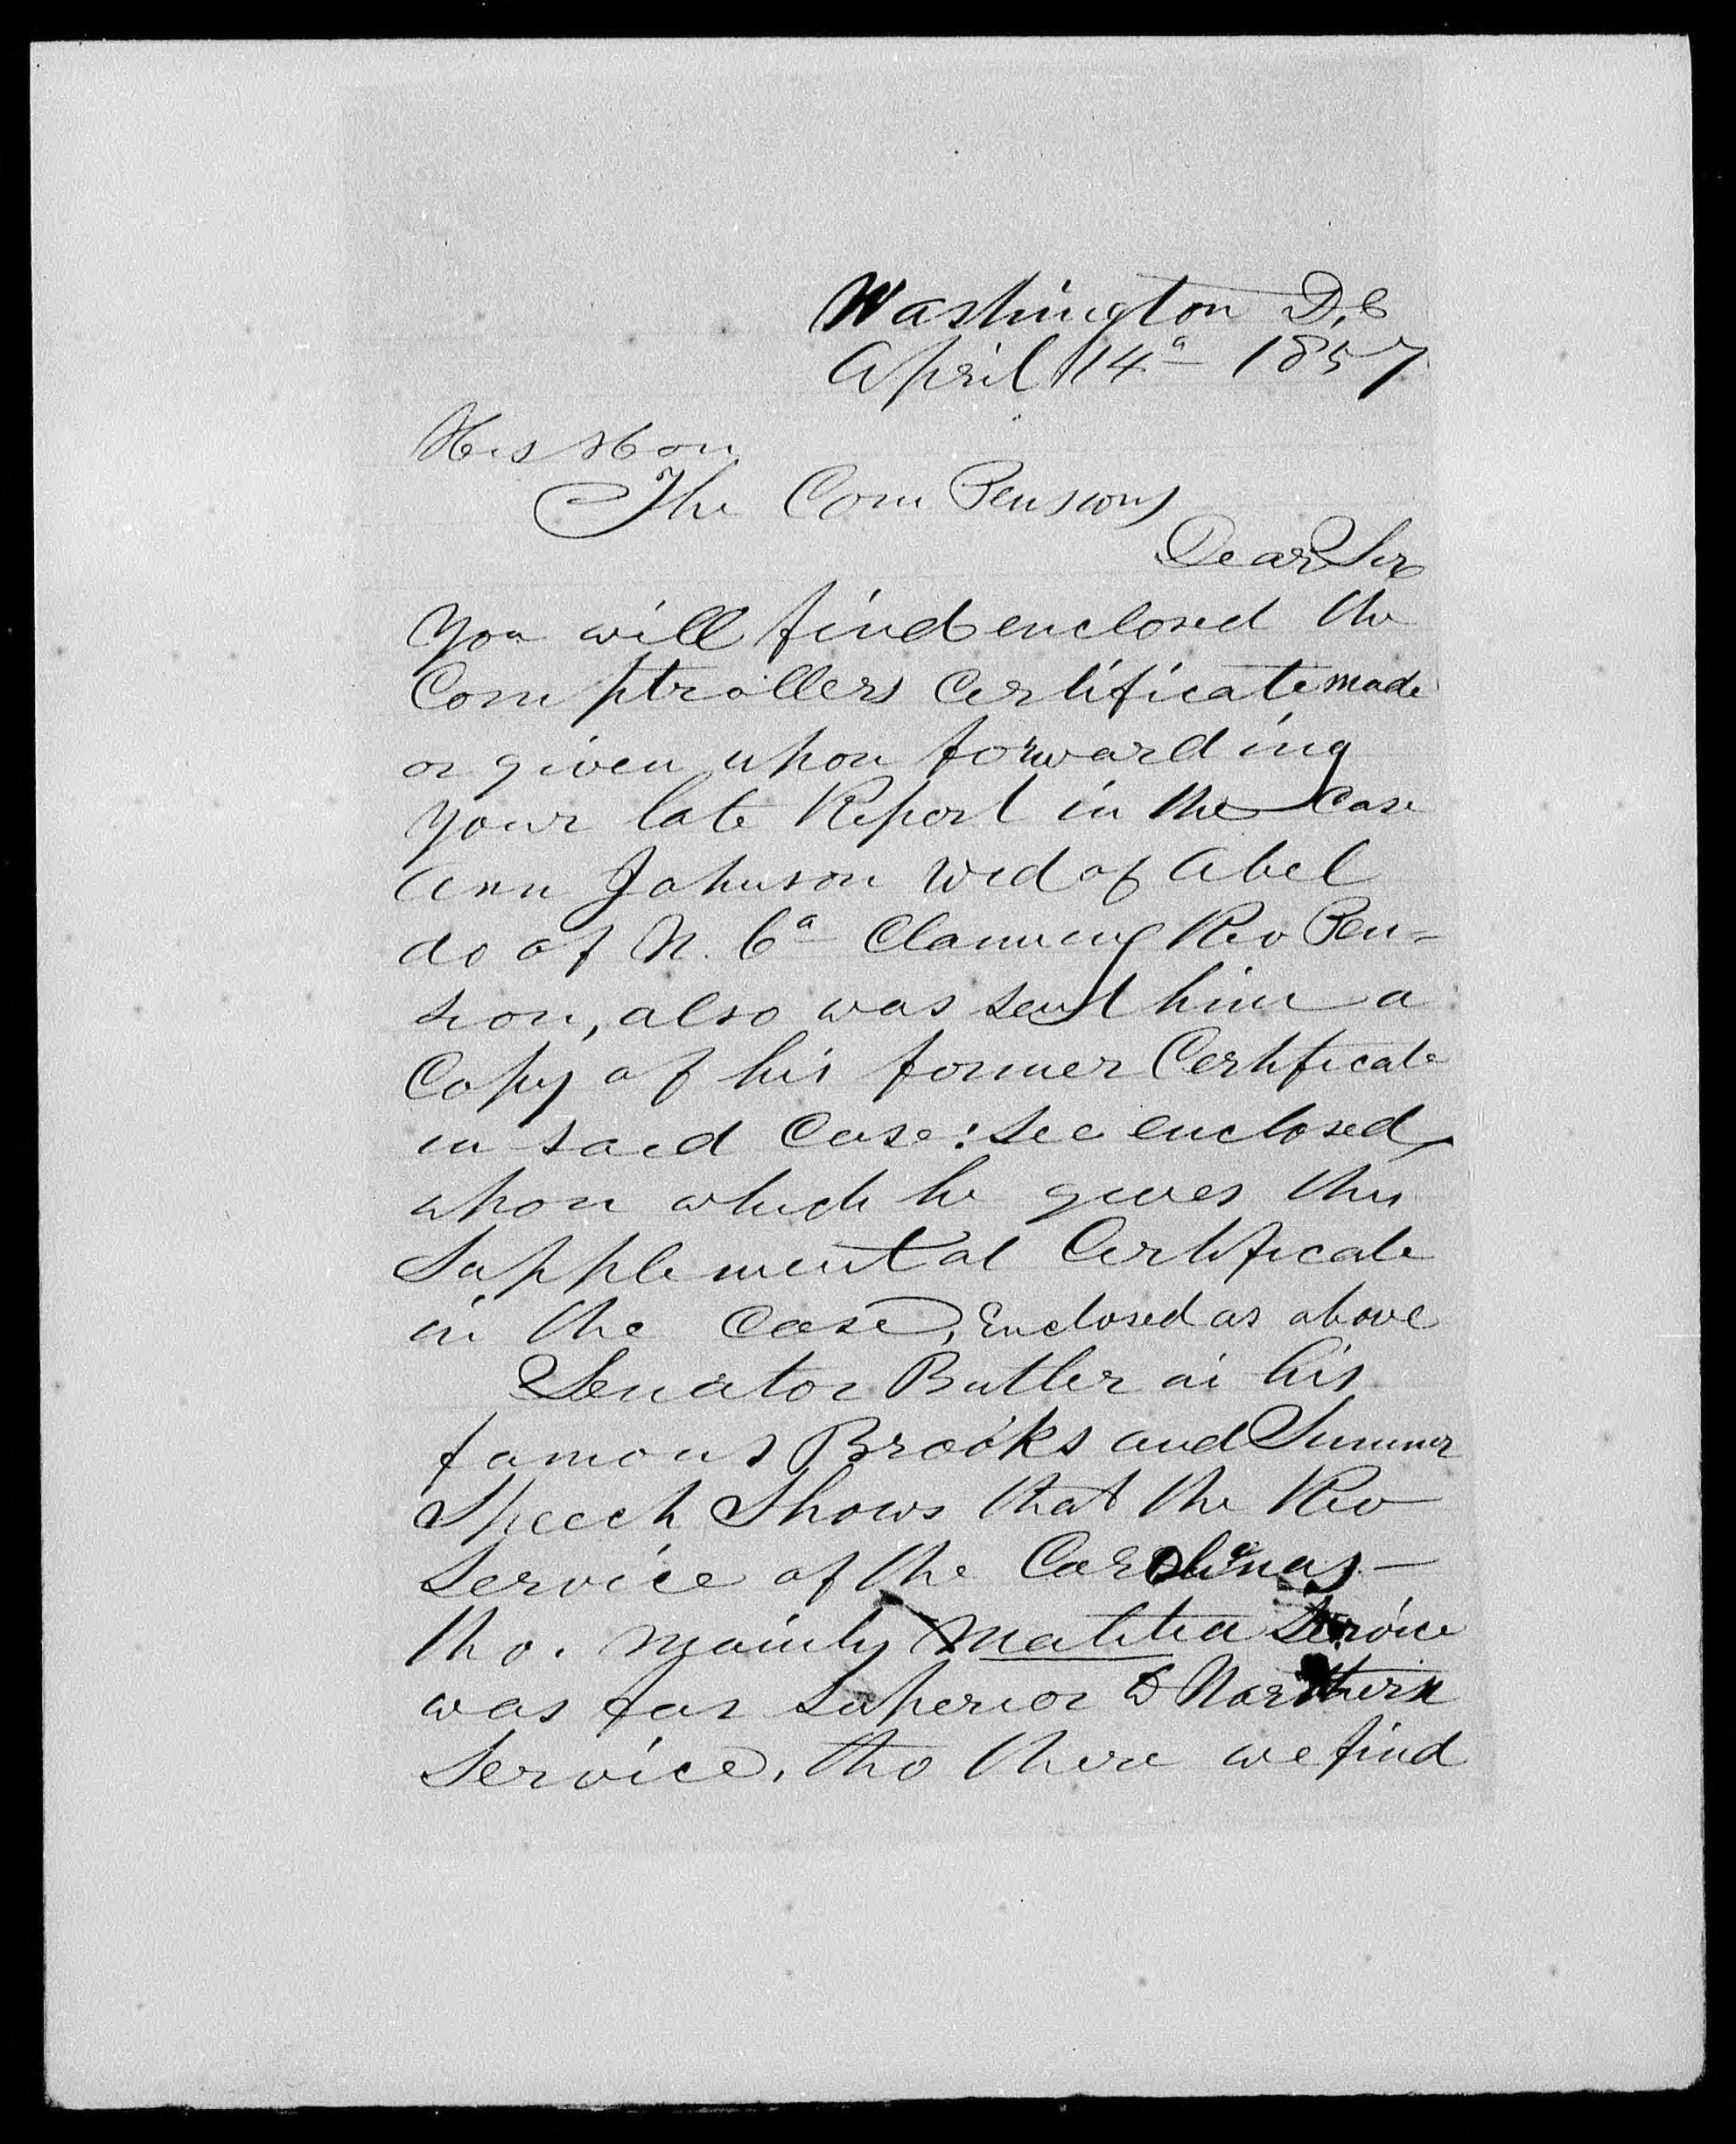Washington D. C. April 14, 1857 His Hon The Com [Commissioner of] Pensions Dear sir, You will find enclosed the comptrollers certificate made or given whose forwarding your late report in the case Ann Johnson wid [widow] of Abel do [Johnson] of North Carolina claiming Rev [Revolutionary] Pension, also was sent him a copy of his former certificate in said case: see enclosed, whose which he goes the supplemental certificate in the case, enclosed as above.     Senator Butler in his famous Brooks and Sumner speech shows that the Revolutionary Service of the Carolinas is mainly Militia Service was far superior to Continental Service, though there we find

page: 39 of 74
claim: rejected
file: R. 5600, for Abel Johnson, North Carolina